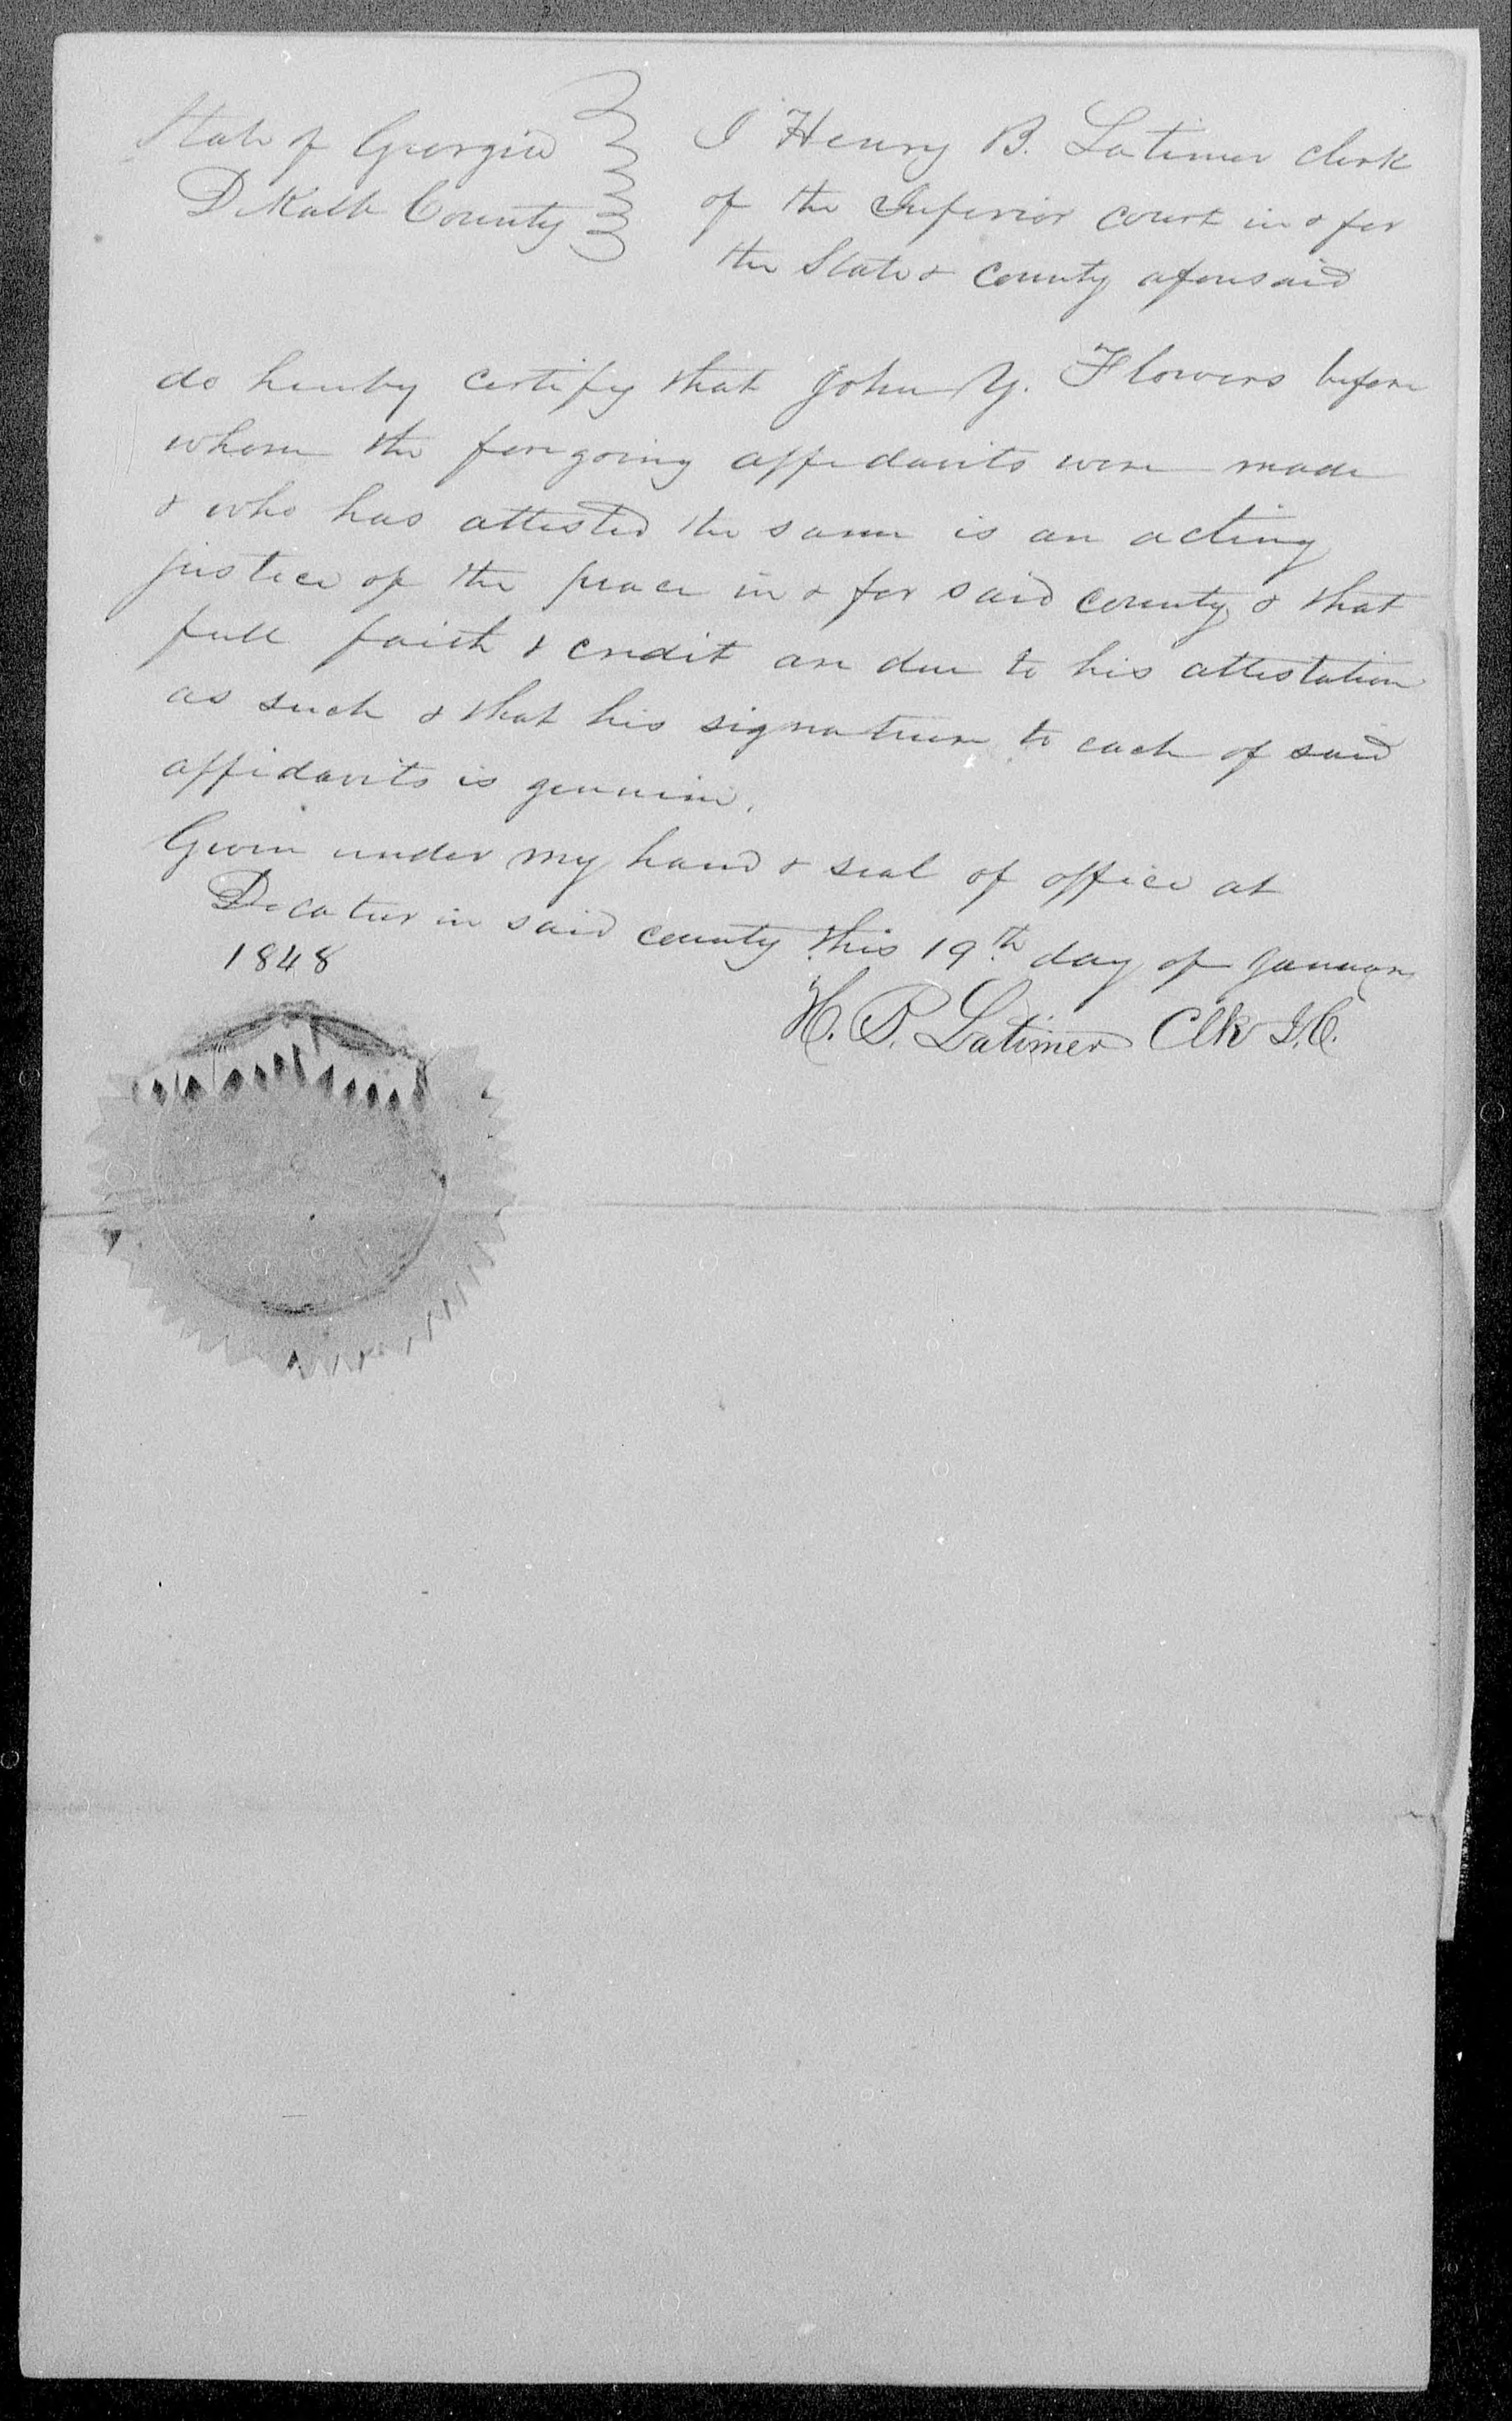State of Georgia
DeKalb County
I Henry B. Latimer Clerk
of the Inferior Court in & for
the State & County aforesaid
do hereby certify that John Y. Flowers before whom the foregoing affidavits were made who has attested the same is an acting Justice of the peace in & for said County & that full faith & credit are due to his attestation as such & that his signature to each of said affidavits is genuine.
Given under my hand & seal of office at
Decatur in said County this 19th day of January 1848
         H B Latimer Clerk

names: H B Latimer, Henry B Latimer, John G Flowers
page: 16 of 73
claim: widow's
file: W. 5,894, John Cash, Va.